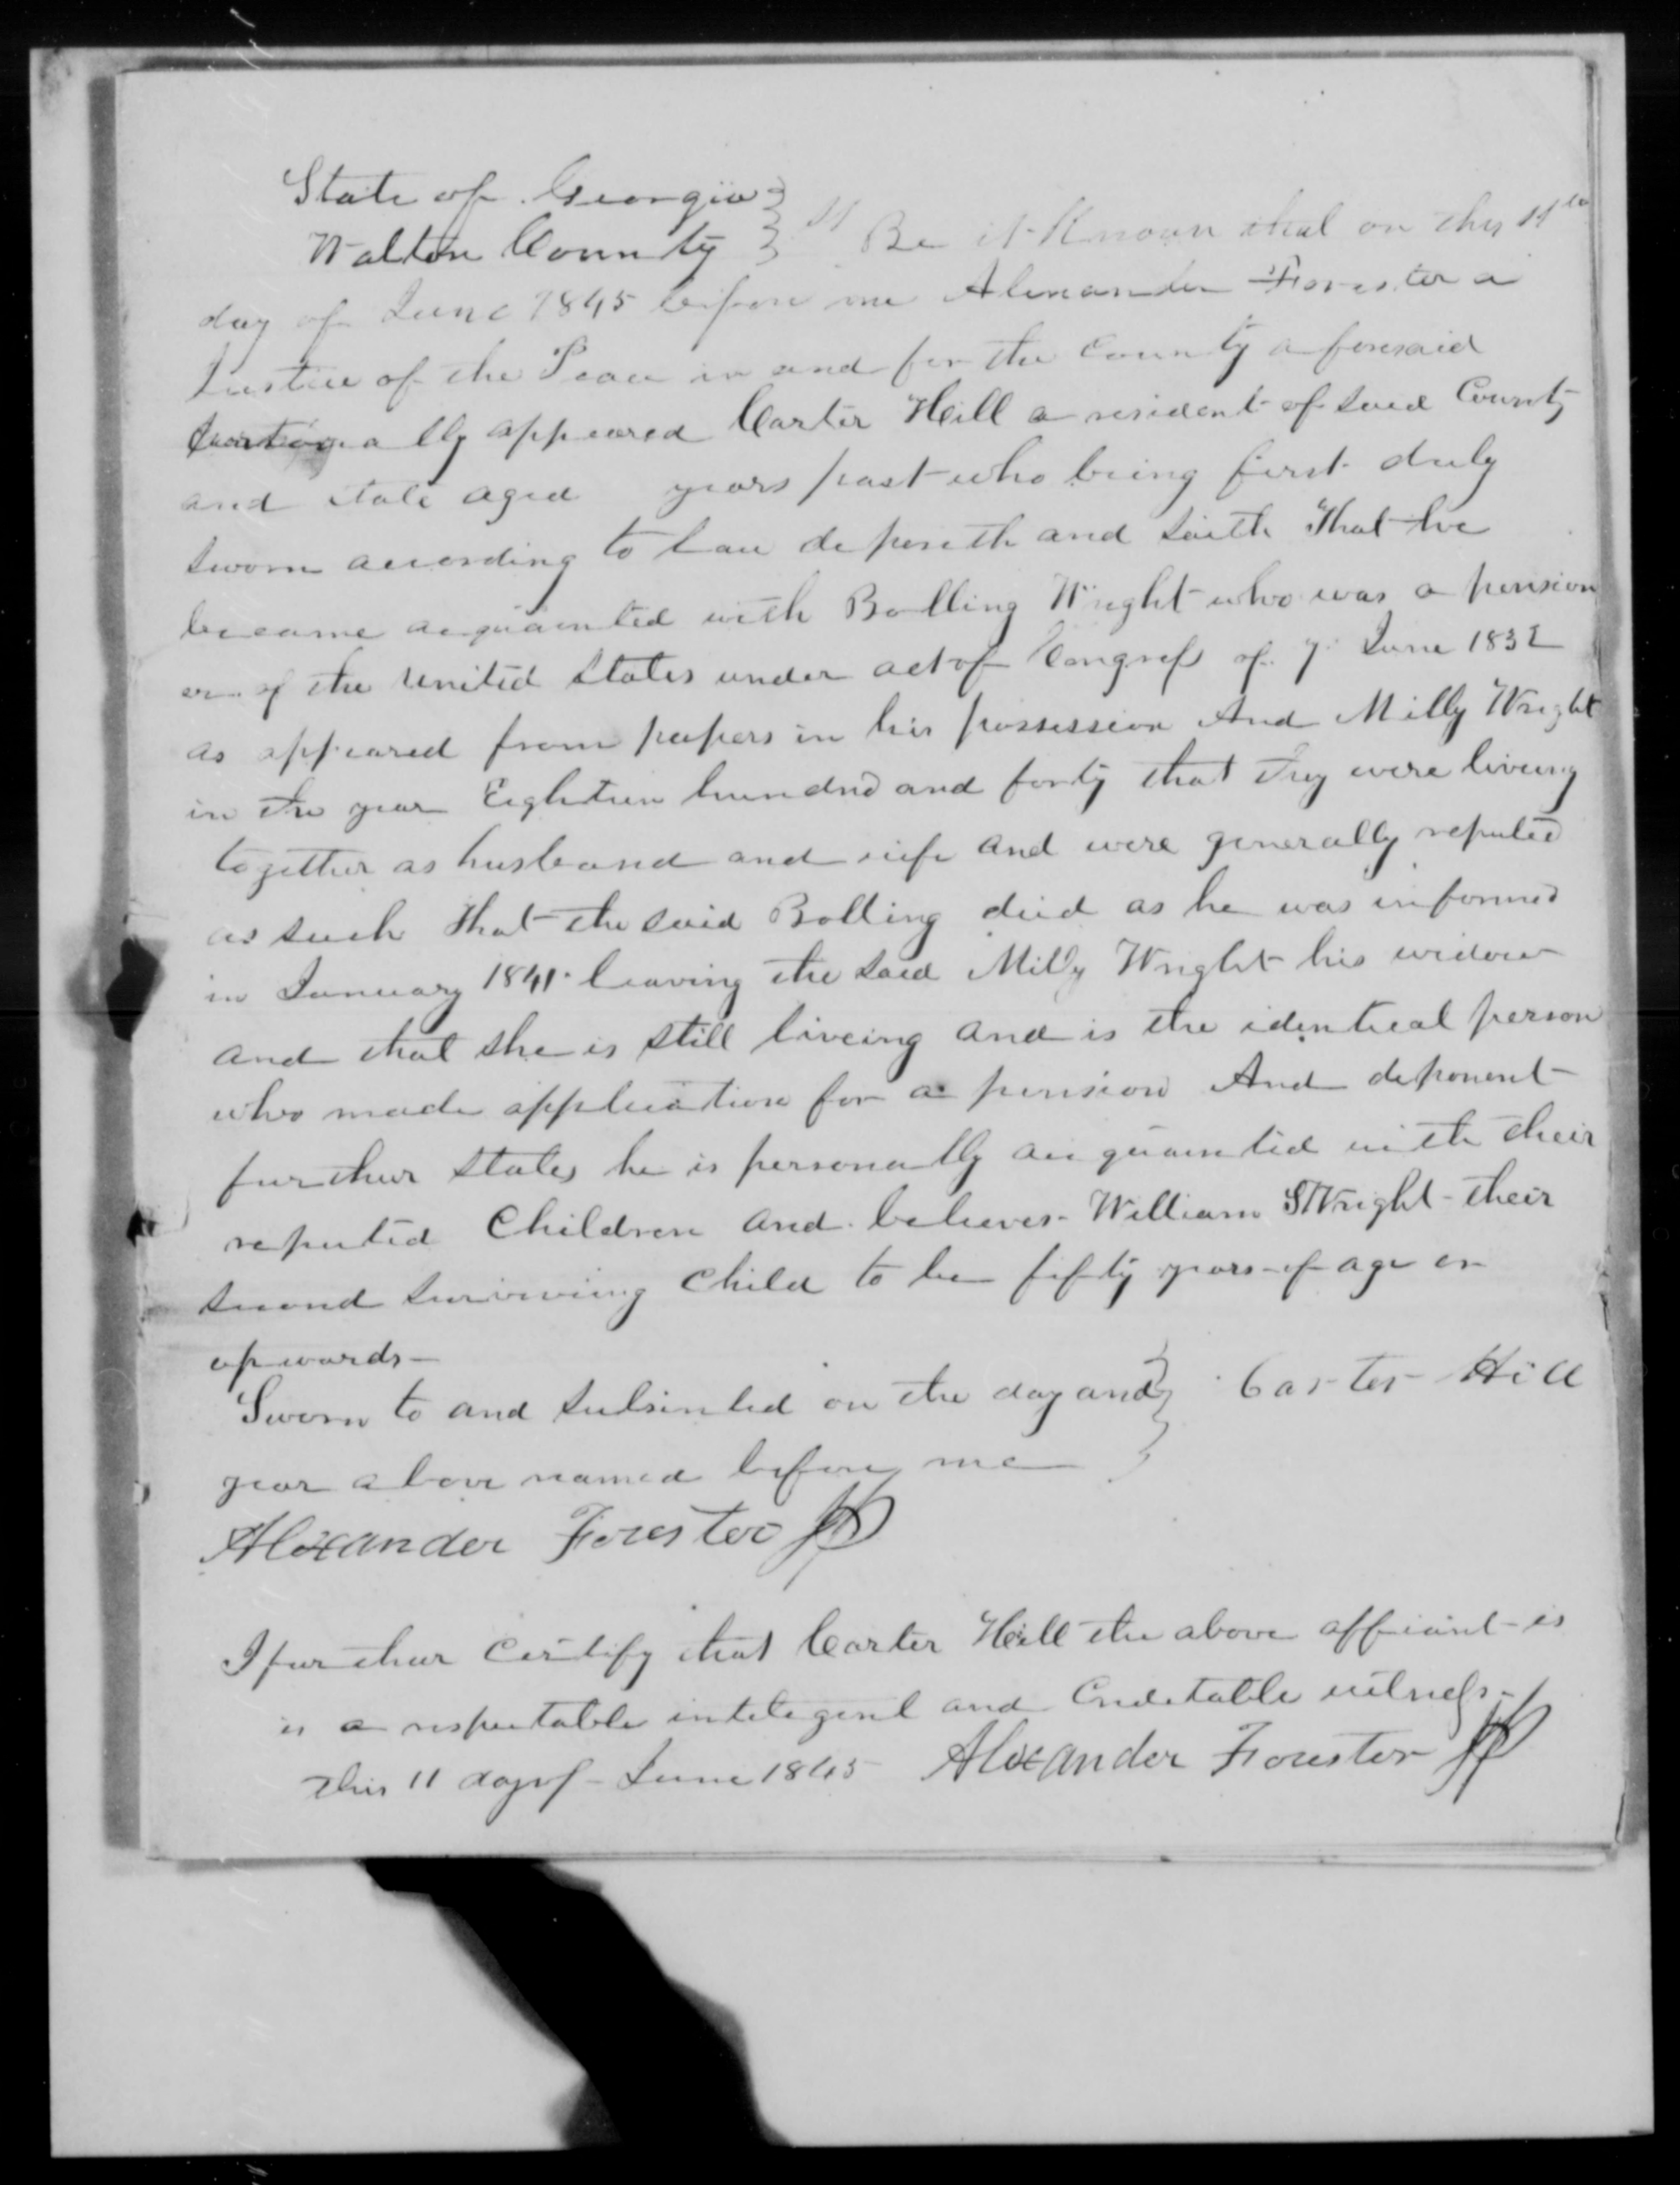State of Georgia
Walton County ⎬ SS Be it known that on this 11th
day of June 1845 before me Alexander Forester a
Justice of the Peace in and for the County aforesaid
portionally appeared Carter Hill a resident of said County
and State aged years past who being first duly
sworn according to law deposeth and saith that he
1
became acquainted with Bolling Wright who was a pension
of the United States under act of Congress of 7 June 1832
as appeared from papers in his possession and Milly Wright
in the year Eighteen hundred and forty that they were living
together as husband and wife and were generally reputed
as such that the said Bolling died as he was informed
in January 1841 leaving the said Milly Wright his widow
and that she is still living and is the identical person
who made application for a pension and deponent
further states he is personally acquainted with their
reputed children and believer William Wright their
second surviving child to be fifty years of age in
Sworn to and subscribed on the day and Carter Hill
year above named before me
Alexander Forester
1
I further certify that Carter Hill the above affiant is
is a respectable inteligent and creditable witness
this 11 day of June 1845 Alexander Fouster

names: Milly Wright, Carter Hill, William S Wright, Alexander Forester, Bolling Wright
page: 70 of 81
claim: widow's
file: W. 5183, Bolling Wright, Va.